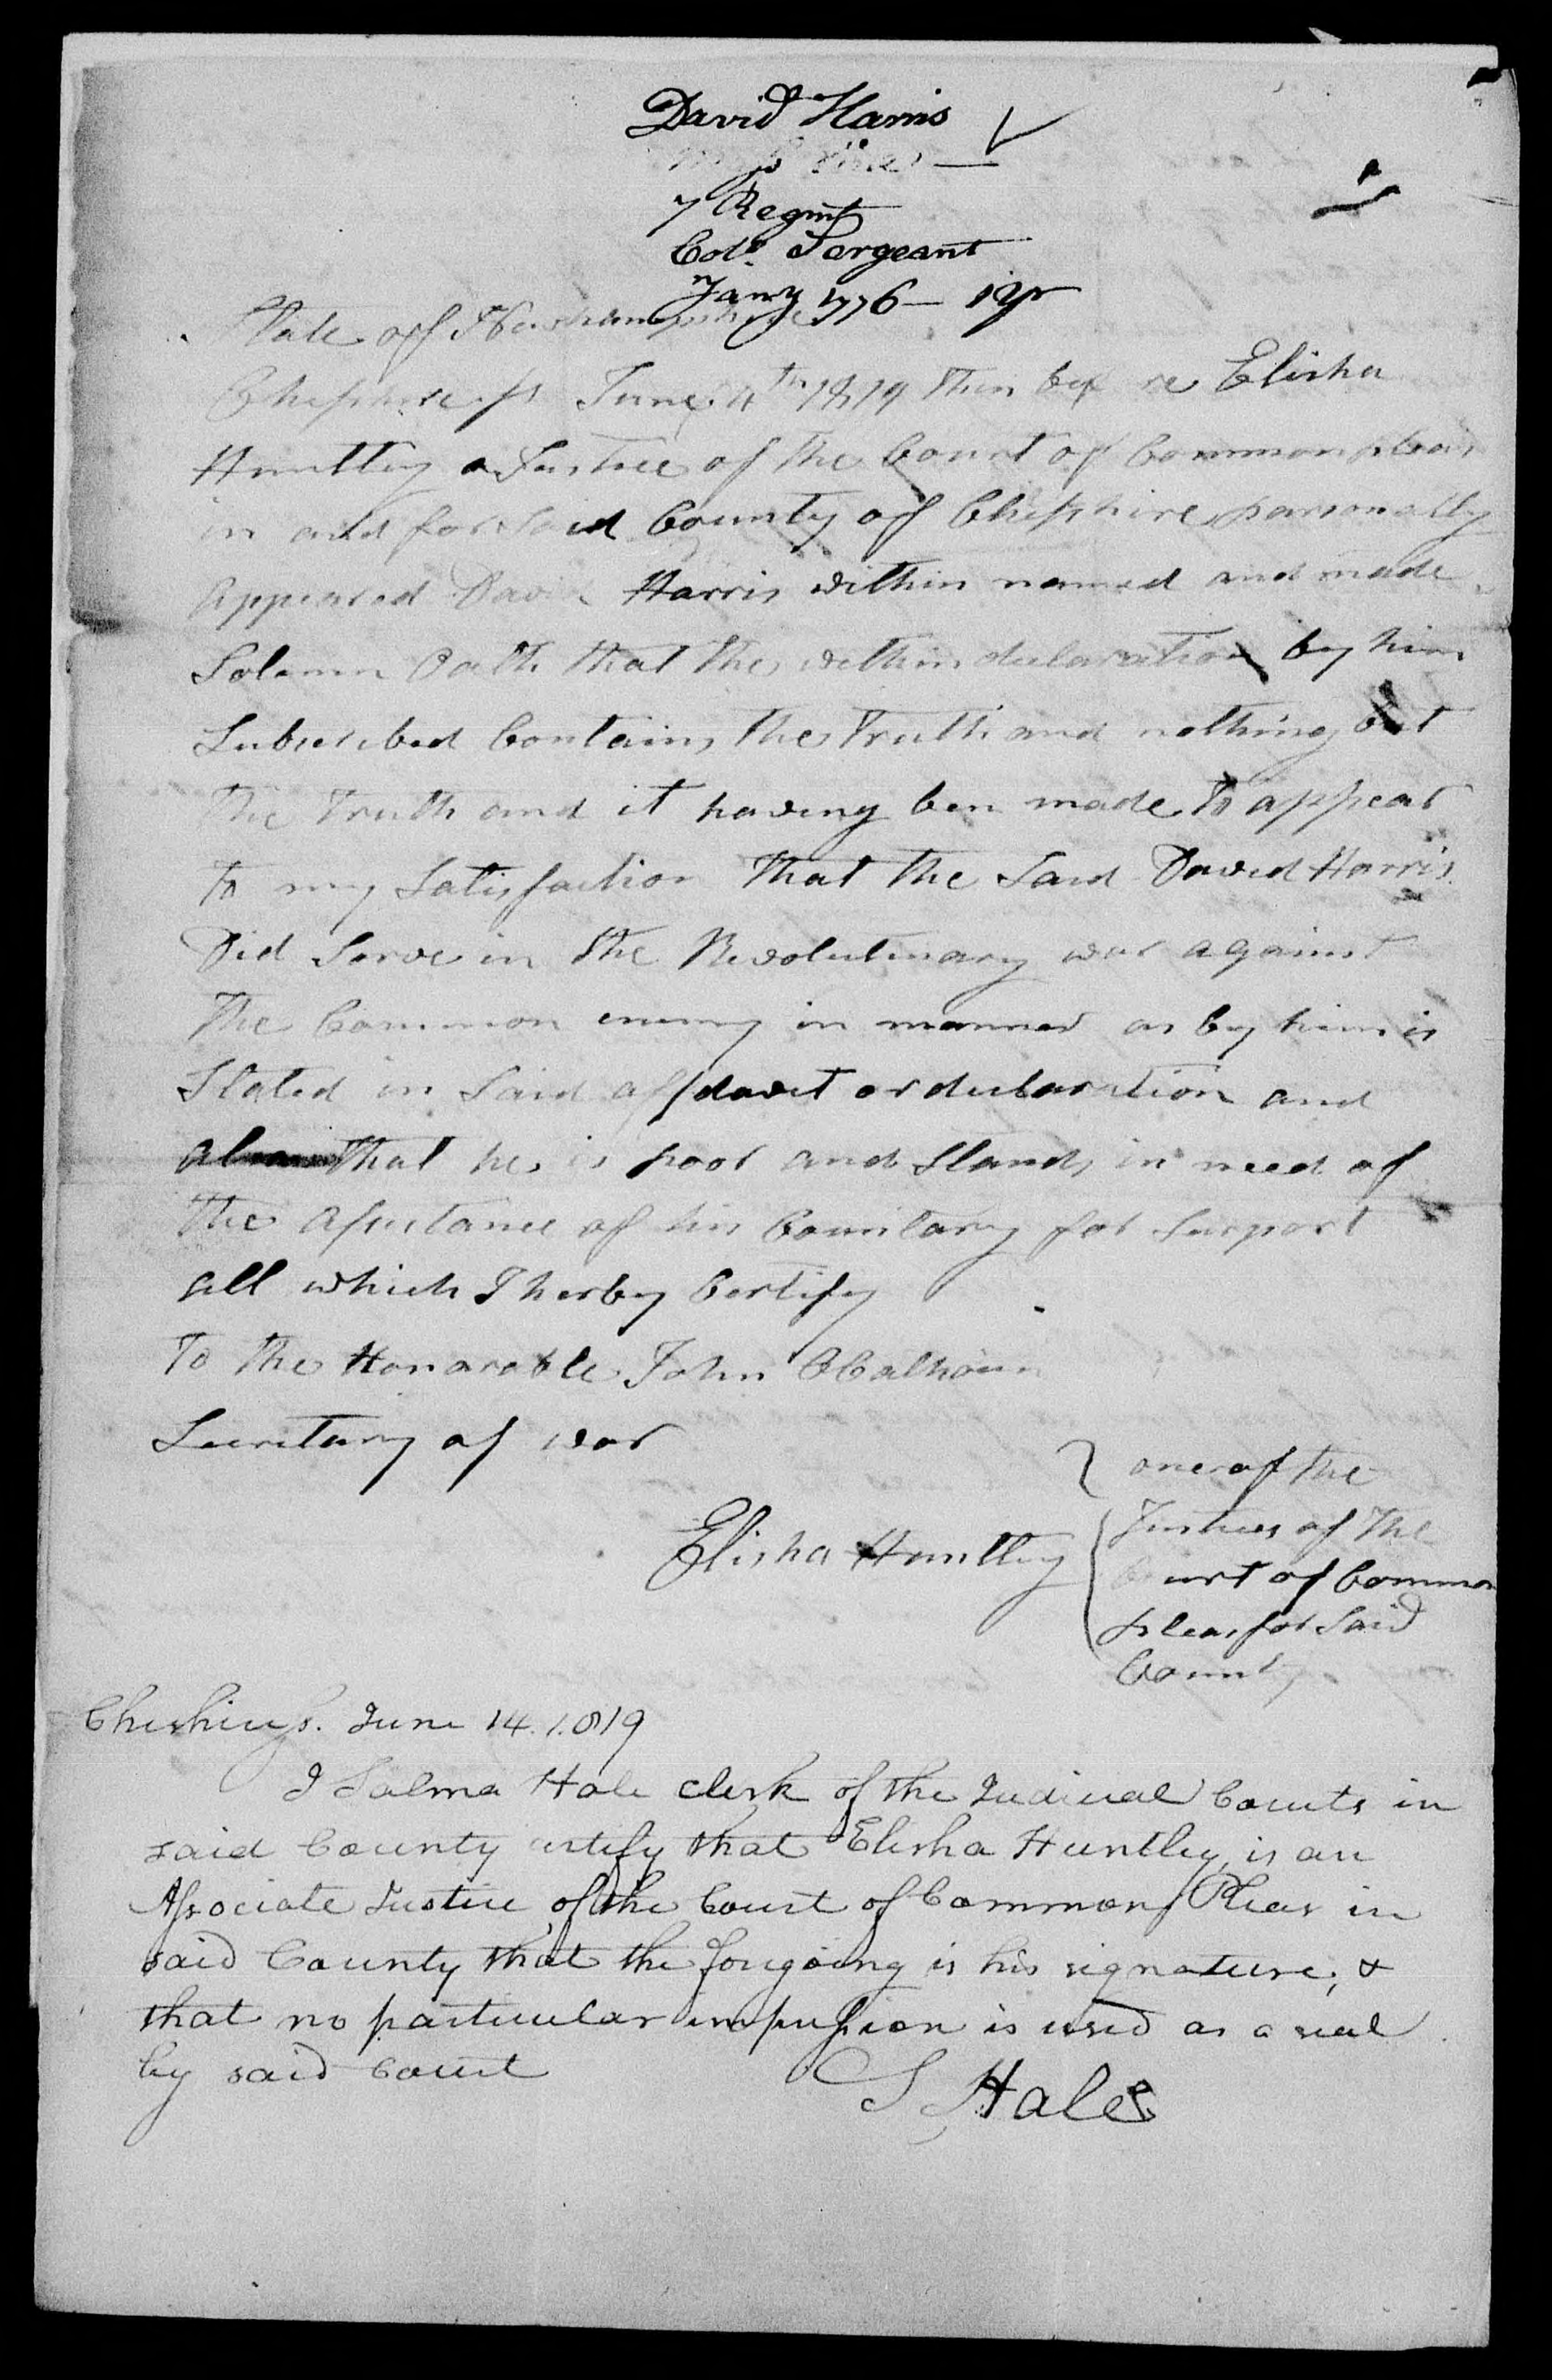David Harris
(erased line)
7 Regmt
Col. Sergeant
Jany 776-1 yr
State of Newhampshire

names: Elisha Huntley, Sargeant, David Harris, Elisha Huntley, David Harris, Salma Hale, Elisha Huntley, David Harris, John C Calhoun, S Hale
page: 4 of 11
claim: survivor's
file: S. 44393, David Harris, Mass.